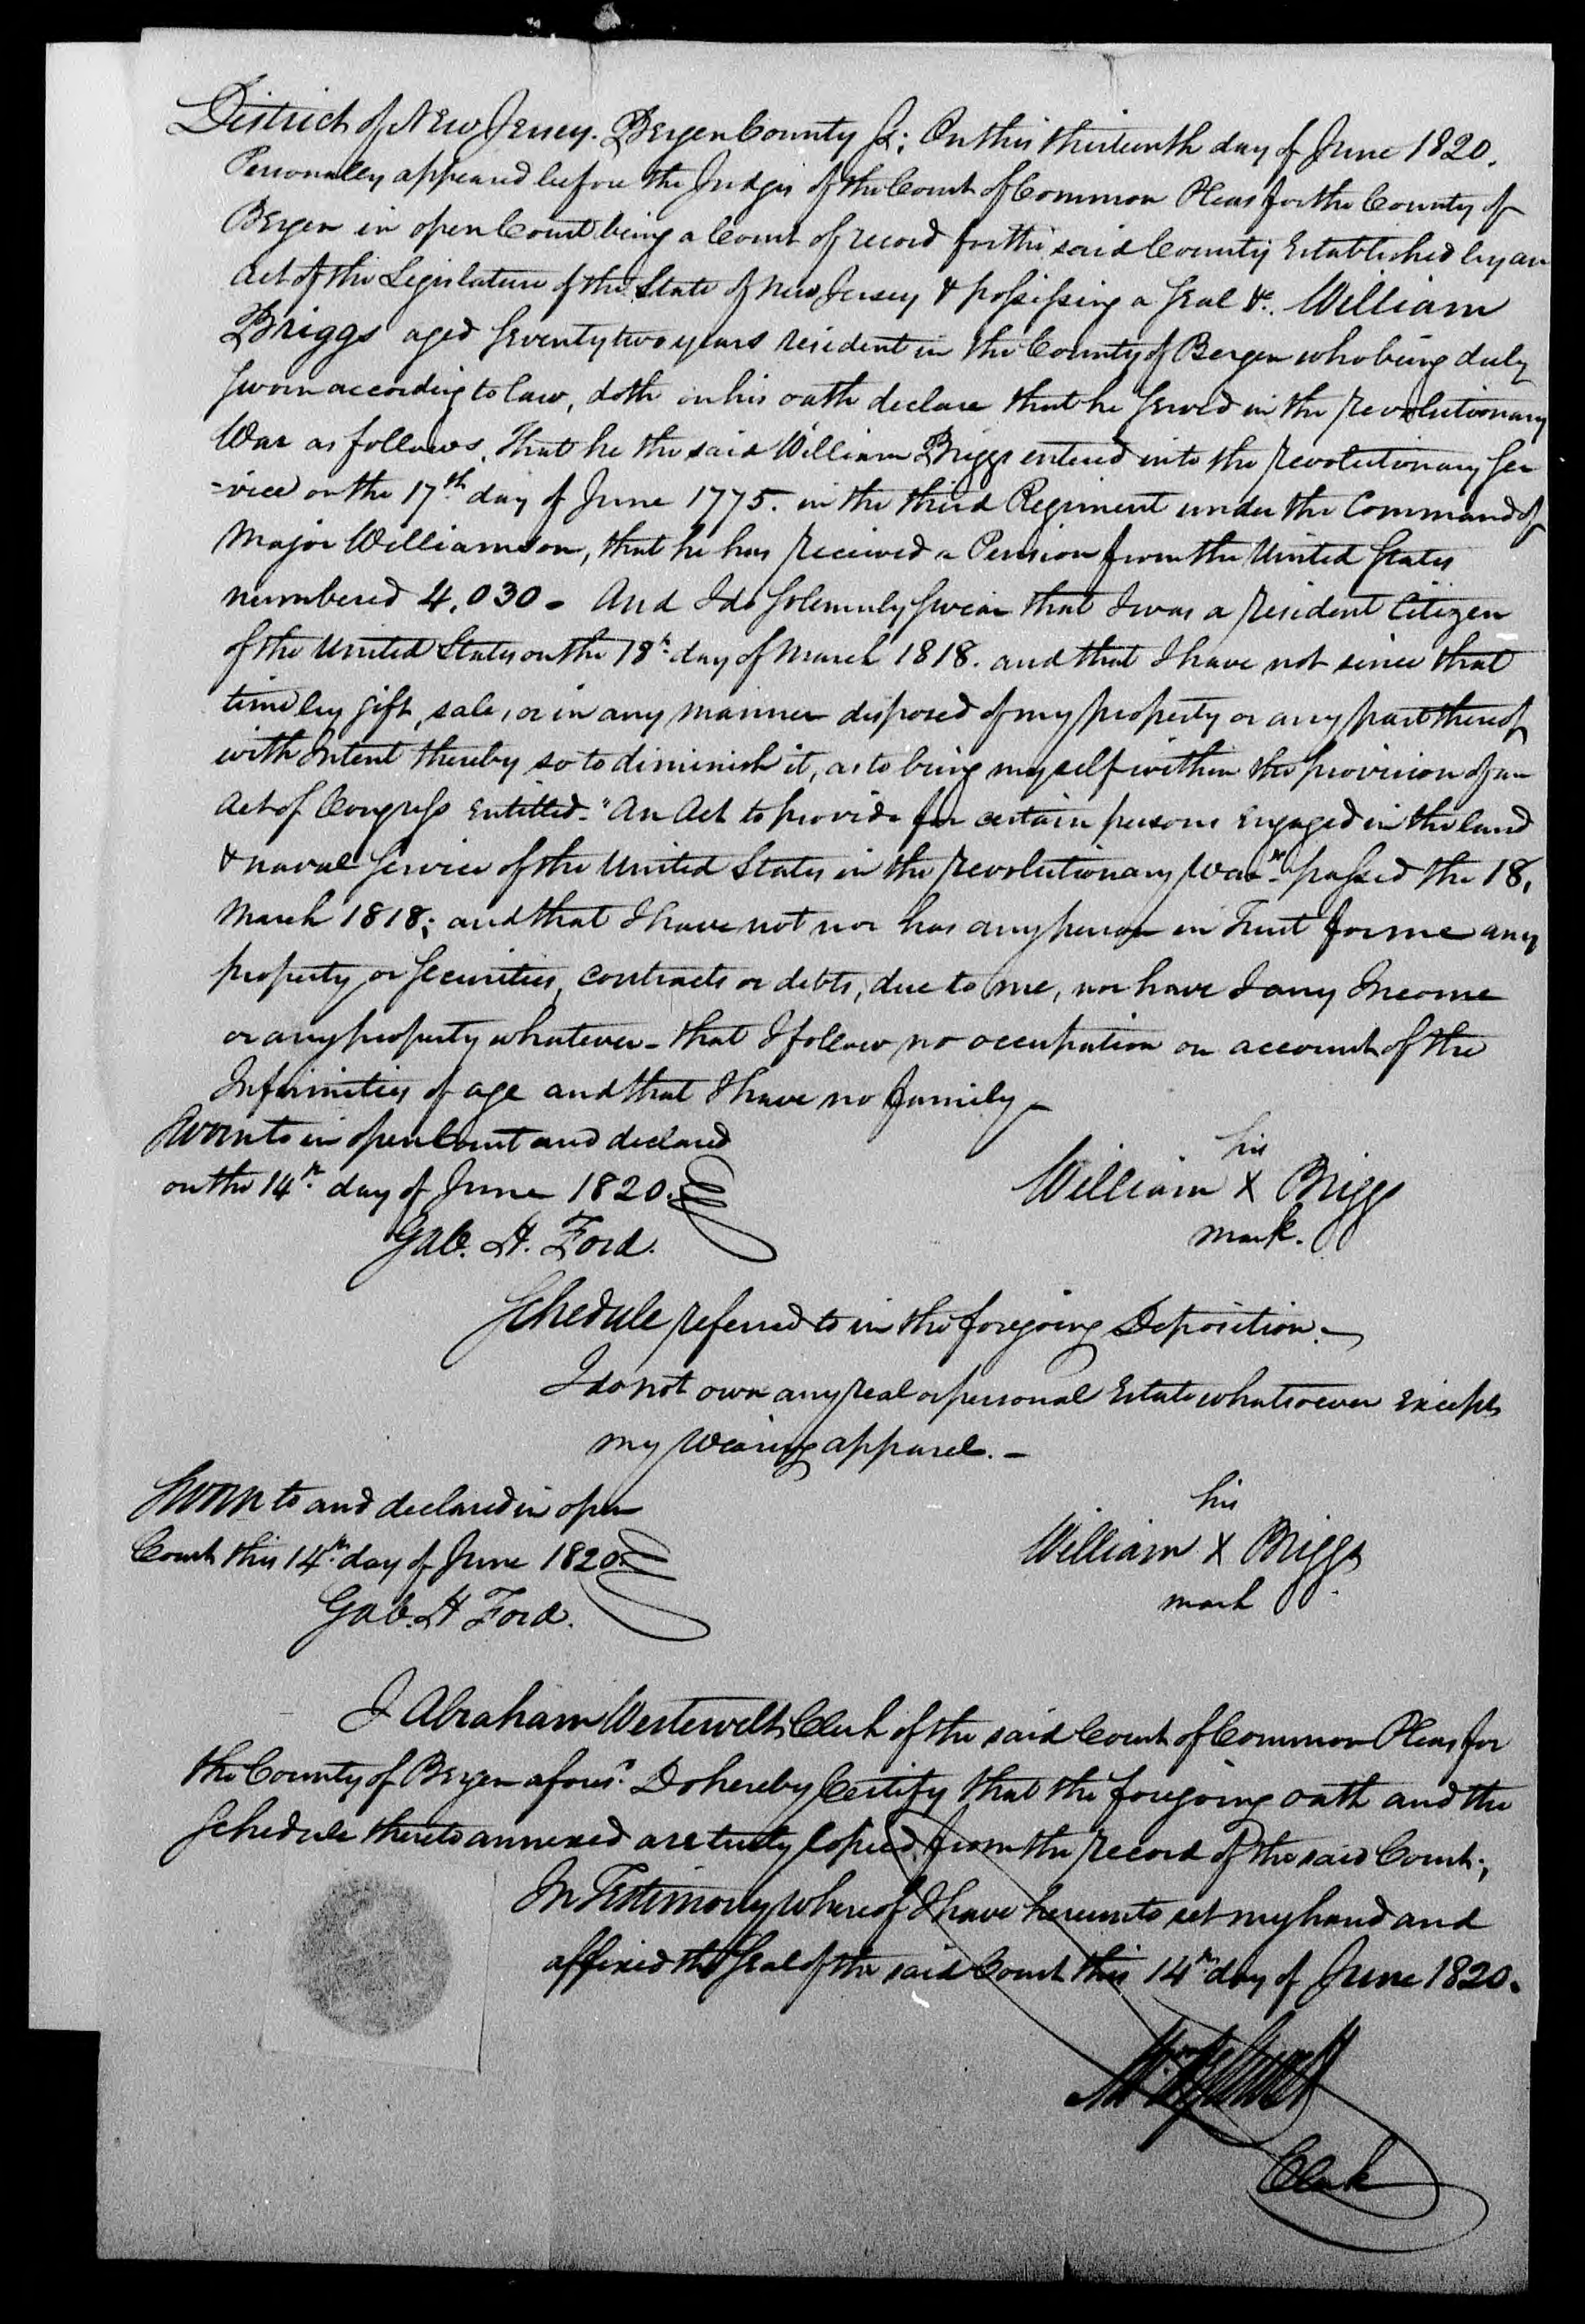District of New Jersey. Bergen County Ss; On this thirteenth day of June 1820. Personally appeared before the Judges of the Court of Common Pleas for the County Bergen in open Court being a Court of record for the said County Established by an act of the Legislature of the State of New Jersey & possessing a Seal. William Briggs aged seventy-two years resident in the County of Bergen who being duly sworn according to law, doth on his oath declare that he served in the revolutionary War as follows . That he the said William Briggs enlisted into the revolutionary service on the 17th day of June 1775. In the third Regiment under the command of Major Williamson, that he has received a Pension from the United States numbered 4.030. And I do solemnly swear that I was a resident citizen of the United States on the 18th day of March 1818. and that I have not since that time by gift, sale or in any manner disposed of my property or any part thereof with Intent thereby so to diminish it, as to bring myself within the provision of an Act of Congress Entitled. "An Act to provide for certain persons engaged in the land & naval services of the United States in revolutionary War”. Passed the 18, March 1818; and that I have not nor has any person in trust for me any property or securities, contracts or debts, due to me, nor have I any Income or any property whatever. That I follow no occupation on account of the Infirmities of age and that I have no family. 
Sworn to in open Court and declared on this 14th day of June1820 
William Briggs his Mark. 
Gab. H. Ford 
Schedule referred to in the foregoing Deposition – 
I do not own any real or personal estate whatever except my wearing apparel. – 
Sworn to and declared in open Court this 14th day of June 1820 
Gab H Ford 
William Briggs his mark   
I Abraham Westervelt Clerk of the said Court of Common Pleas for the County of Bergen aforesaid. Do hereby Certify that the foregoing oath and the Schedule thereto annexed are truly copied from the record of the said Court; 
In Testimony whereof I have hereunto set my hand and affixed the seal of the said Court this 14th day of June 1820 
Abraham Westervelt Clerk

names: William Briggs, Abraham Westervelt, Abrm Westervelt, Gab H Ford, William Briggs, Williamson, William Briggs, William Briggs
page: 4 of 9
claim: survivor's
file: S. 34,076, William Briggs, Penn.